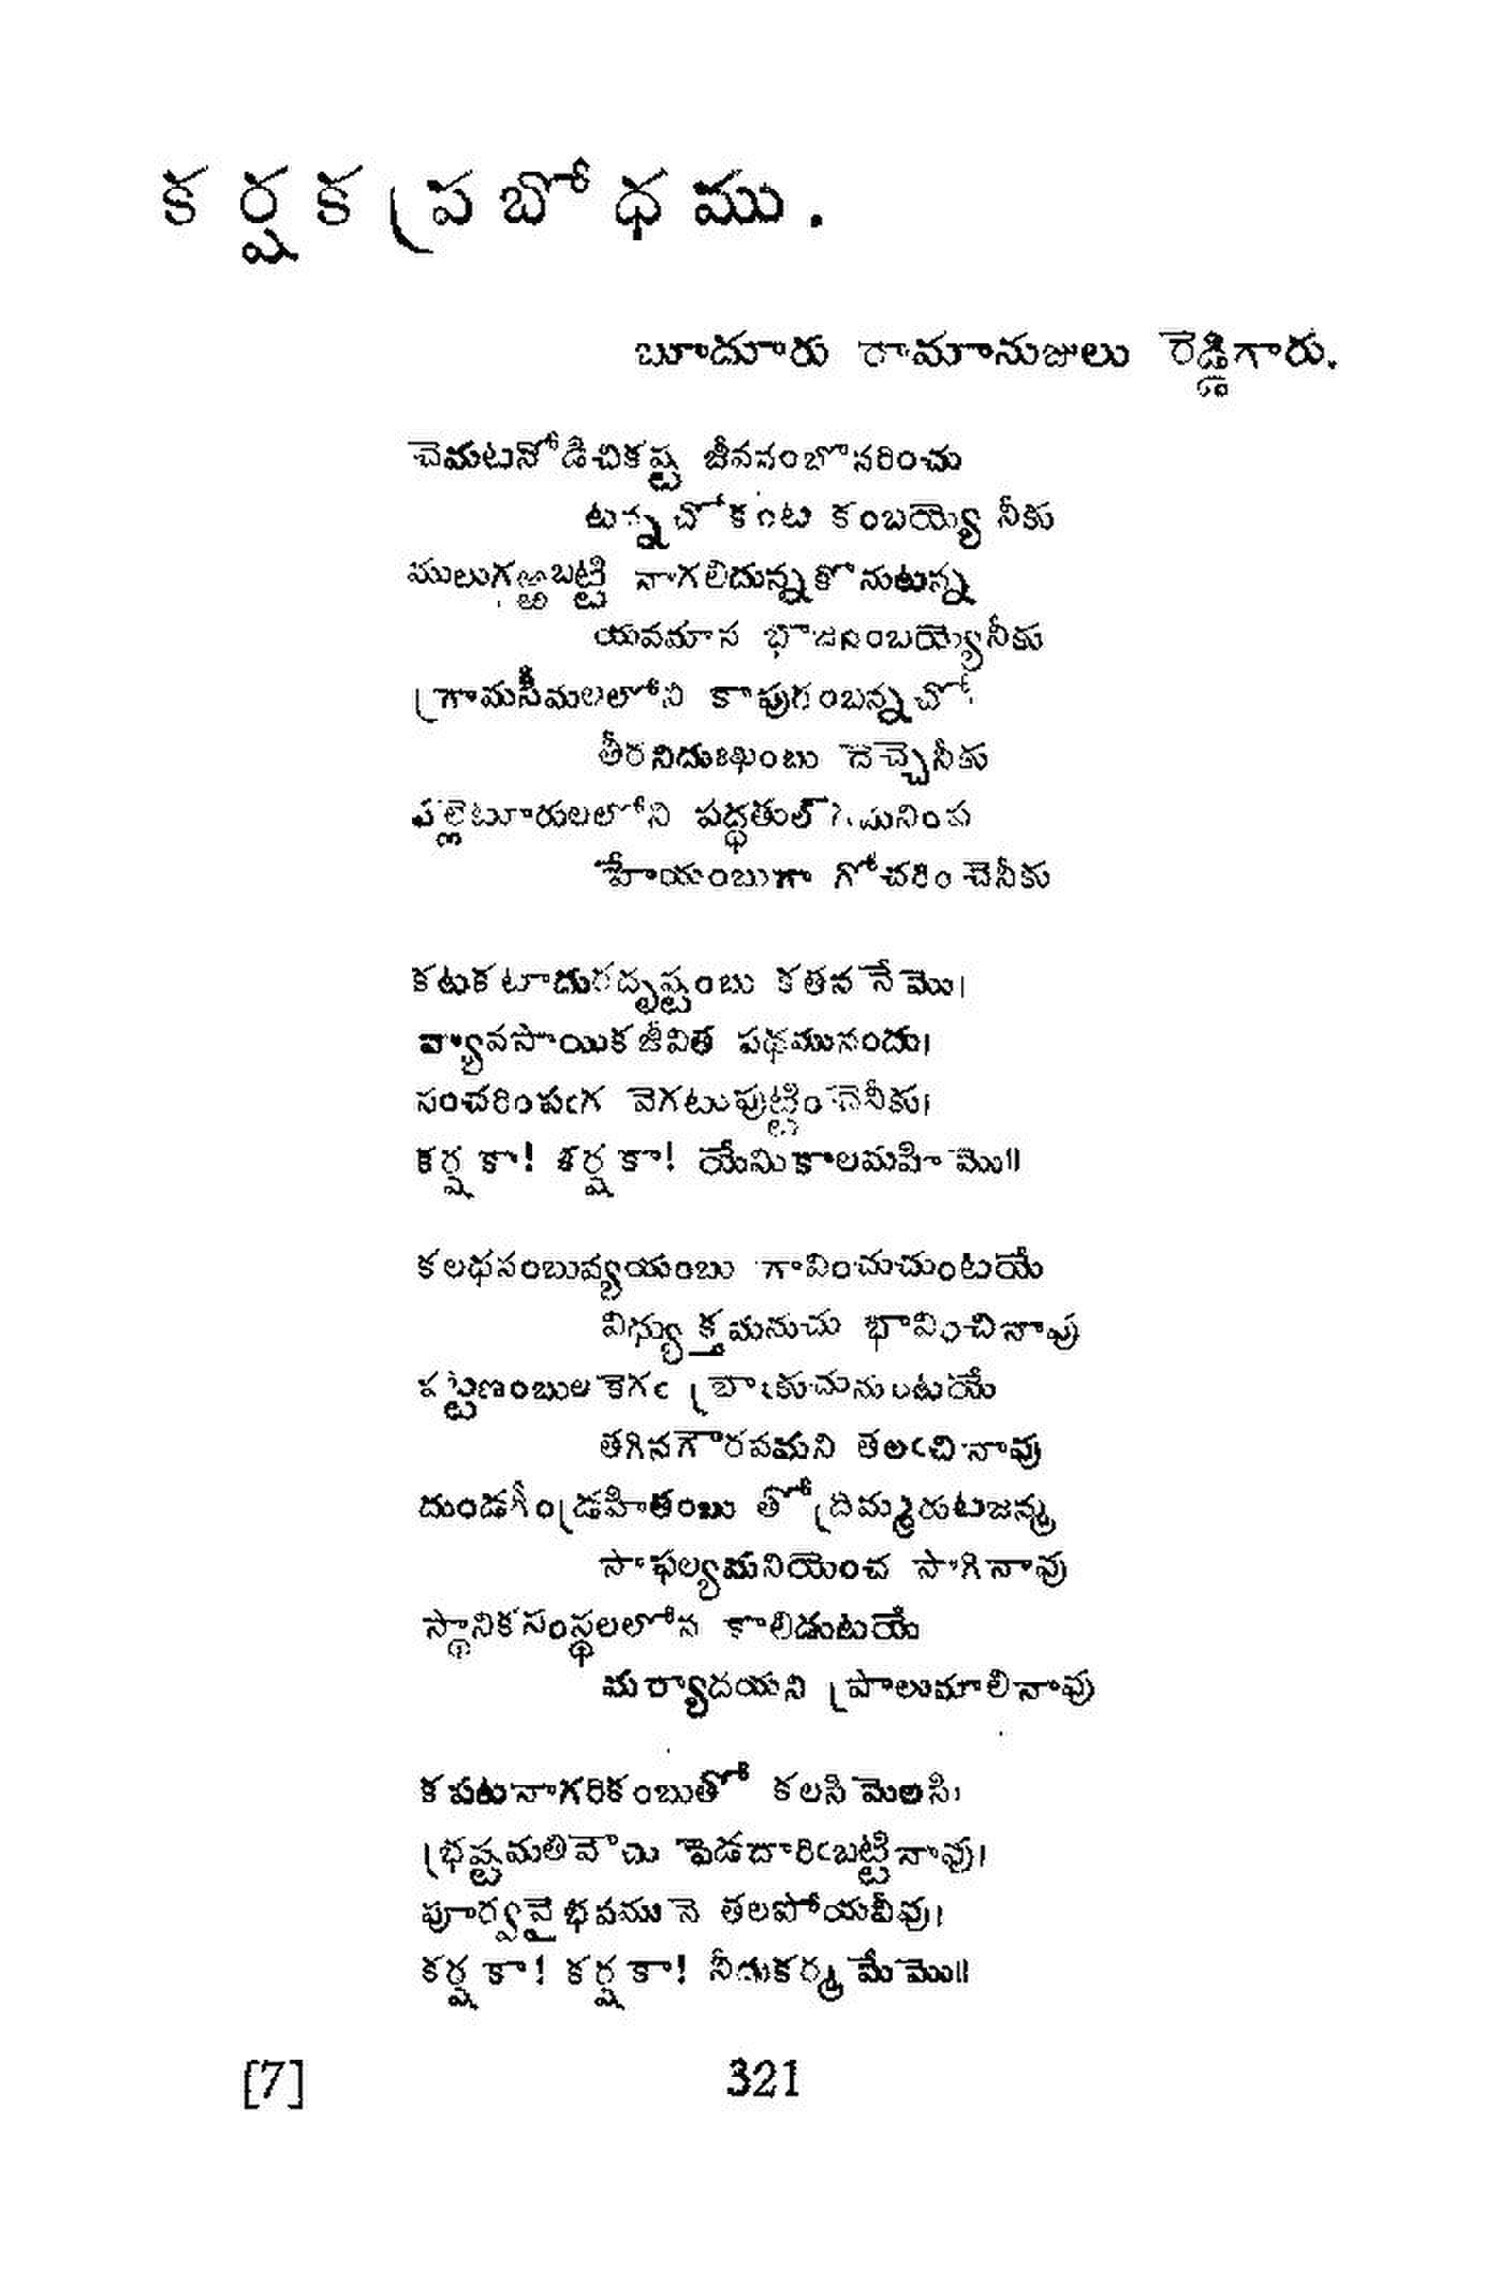క ర్ష క ప్ర బో ధ ము.
 బూదూరు రామానుజులు రెడ్డిగారు

చెమటనోడిచికష్ట జీవనంబొనరించు
 టన్నచోకంట కంబయ్యె నీకు
ములుగఱ్ఱబట్టి నాగలిదున్నునుటన్న
 యవమాన భాజసంబయ్యెనీకు
గ్రామసీమలలోని కాపురంబున్నచో
 తీరనిధు;ఖంబు దెచ్చెనీకు
పల్లెటూరులలోని పద్ధతుల్ ? మనింప
 హేయంబుగా గొచరించెనీకు

కటకటాదురదృష్టంబు కతననేమొ!
వ్యావసాయిక జీవిత పధమునందు!
సంచరింపగ నెగటుపుట్టించెనీకు!
కర్షకా! కర్షకా! యేమికాలమహిమొ||

కలధనంబువ్యయంబు గావించుచుంటయే
 విధ్యుకతమనుచు భావించినావు
పట్టణంబులకెగ బ్రాక్చునుంటయే
 తగినగౌరవమని తలచినావు
దుండగేండ్రహితంబు తోద్రిమ్మరుటజన్మ
 సాఫల్యమనియెంచ సాగినావు
స్థానికసంస్థలలొన కాలిడుటయే
 మర్యాదయన ప్రాలుచూలినావు.

కపటనాగరికంబుతో కలసిమెలసి
భ్రష్టమతినౌచు పెడదారిబట్టినావు!
పూర్ఫవైభవమునె తలపోయనీవు!
కర్షకా! కర్షకా! నీదుకర్మమేమొ||